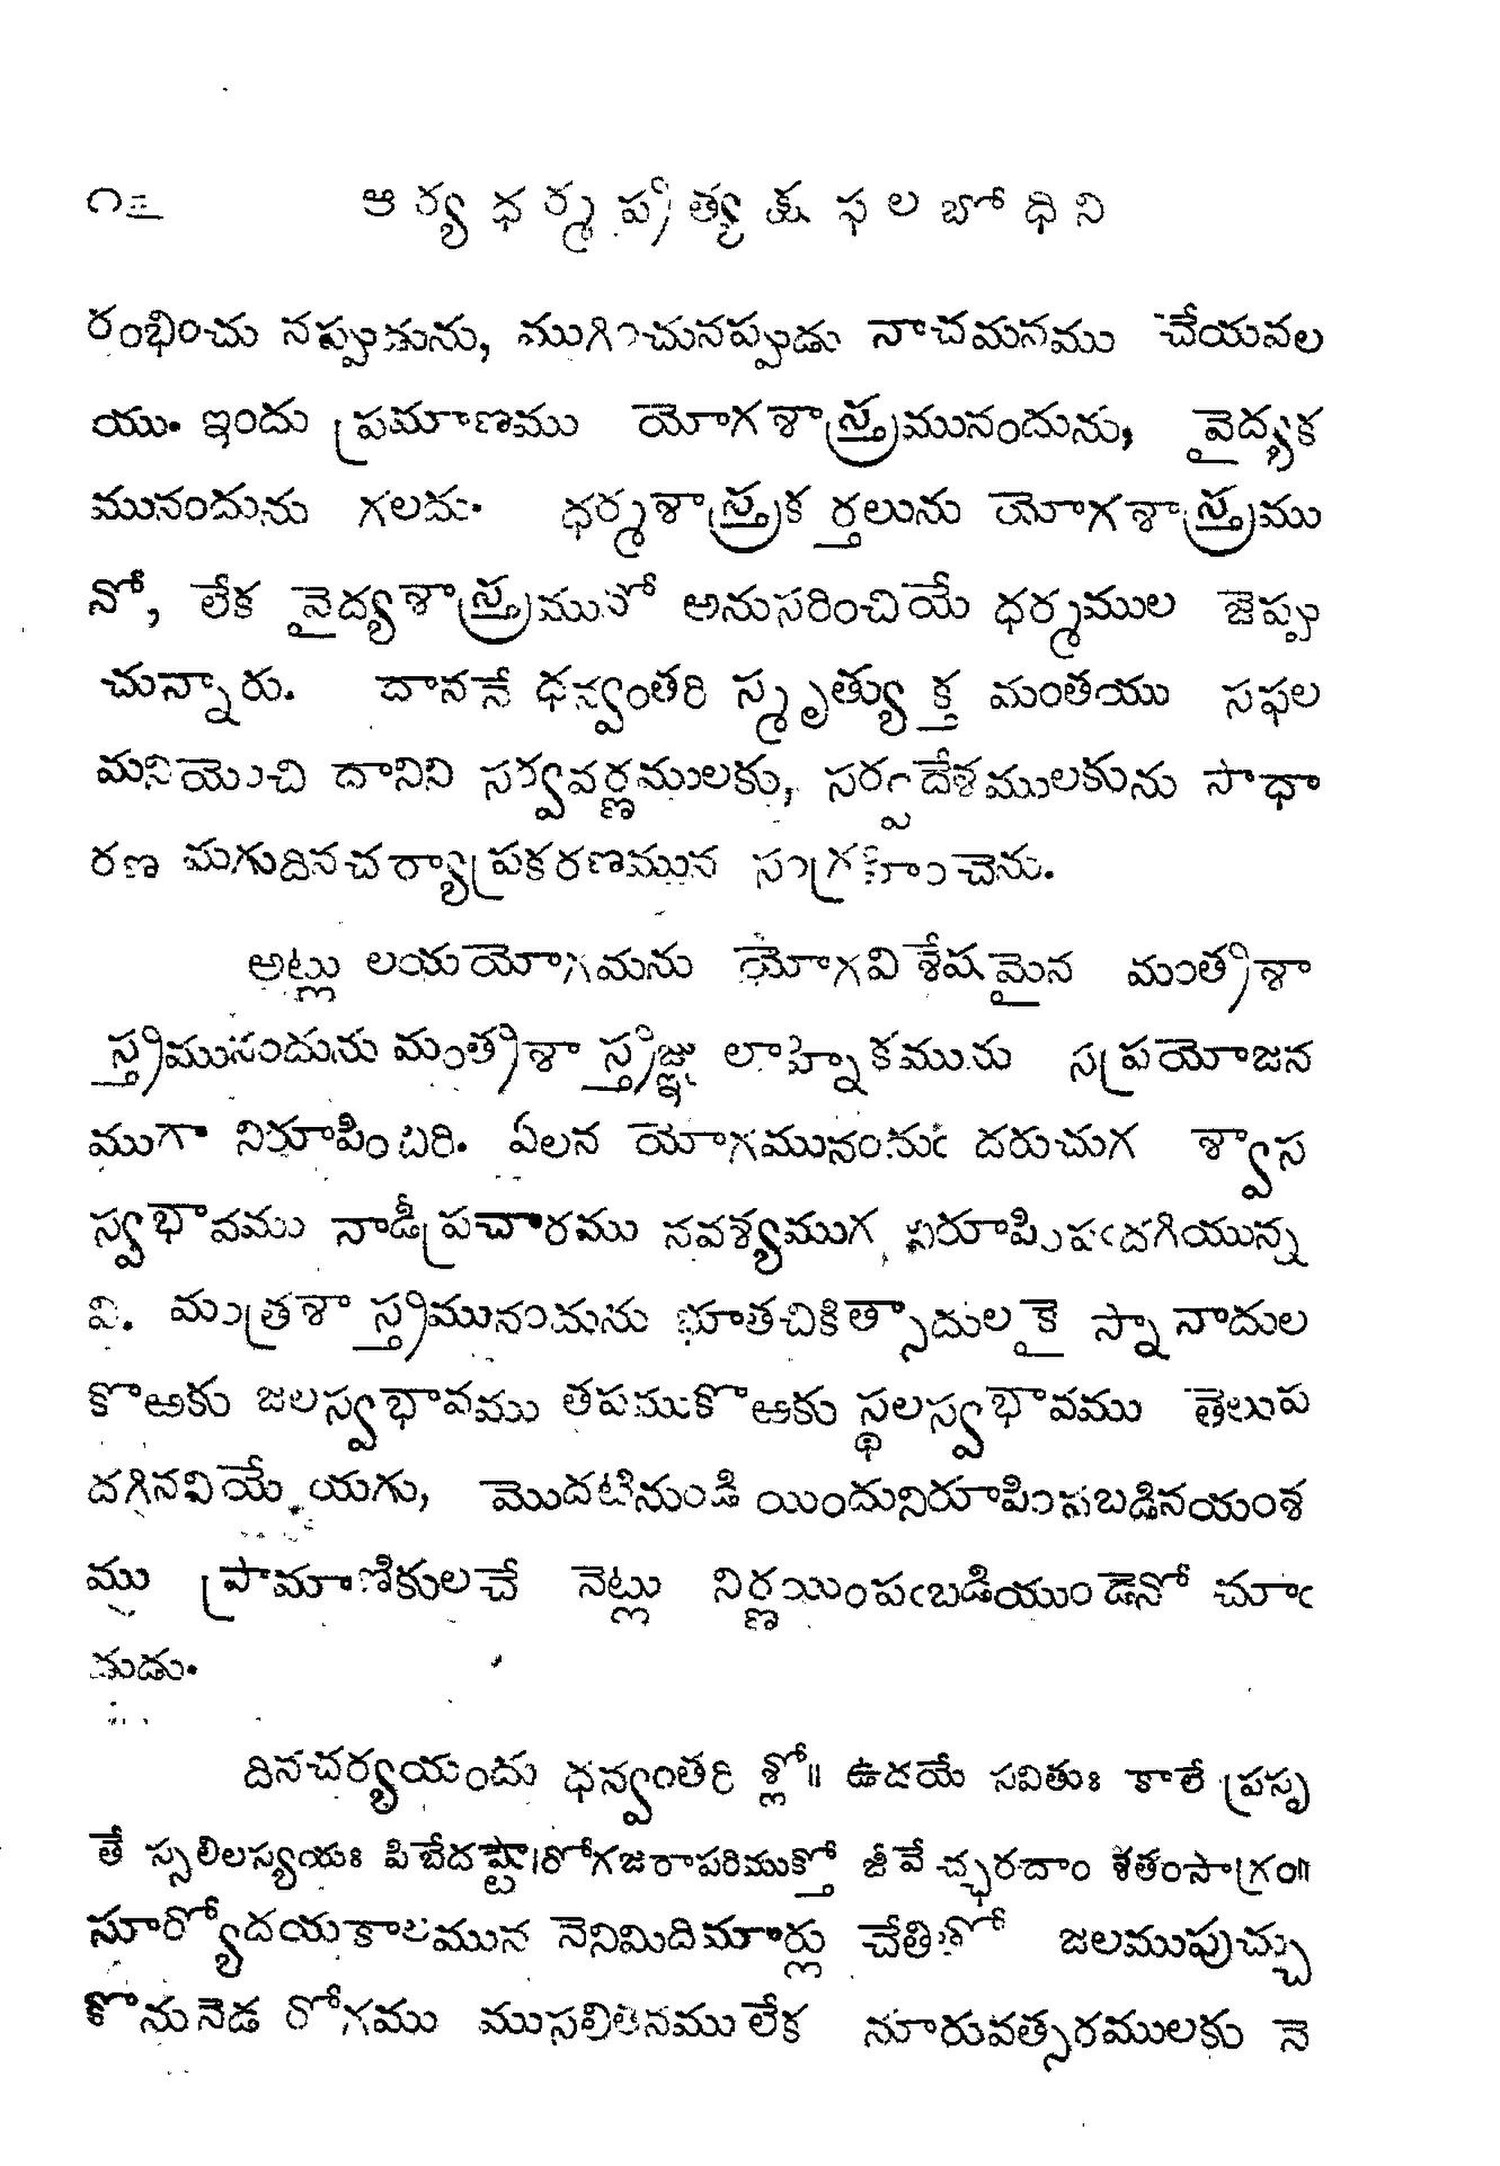రంభించు నప్పుడును, ముగించునప్పుడు నాచమనము చేయవలయు. ఇందు ప్రమాణము యోగశాస్త్రమునందును, వైద్యకమునందును గలదు. ధర్మశాస్త్రకర్తలును యోగశాస్త్రమునో, లేక వైద్యశాస్త్రమునో అనుసరించియే ధర్మముల జెప్పుచున్నారు. దాననే ధన్వంతరి స్మృత్యుక్త మంతయు సఫలమనియెంచి దానిని సర్వవర్ణములకు, సర్వదేశములకును సాధారణ మగుదినచర్యాప్రకరణమున సంగ్రహించెను.

అట్లు లయయోగమును యోగవిశేషమైన మంత్రశాస్త్రమునందును మంత్రశాస్త్రజ్ఞు లాహ్నికమును ప్రయోజనముగా నిరూపించిరి. ఏలన యోగమునందుఁ దరుచుగ శ్వాసస్వభావము నాడీప్రచారము నవశ్యముగ, నిరూపింపఁదగియున్నవి. మంత్రశాస్త్రమునందును భూతచికిత్సాదులకై స్నానాదుల కొఱకు జలస్వభావము తపముకొఱకు స్థలస్వభావము తెలుపదగినవియే యగు, మొదటినుండి యిందునిరూపింపబడినయంశము ప్రామాణికులచే నెట్లు నిర్ణయింపఁబడియుండెనో చూఁడుడు.

దినచర్యయందు ధన్వంతరి శ్లో॥ ఉదయే సవితుః కాలే ప్రసృతే స్సలిలస్యయః పిబేదష్టౌ| రోగజరాపరిముక్తో జీవే చ్ఛరదాం శతంసాగ్రం॥ సూర్యోదయకాలమున నెనిమిదిమార్లు చేతితో జలముపుచ్చుకొనునెడ రోగము ముసలితనములేక నూరువత్సరములకు నె